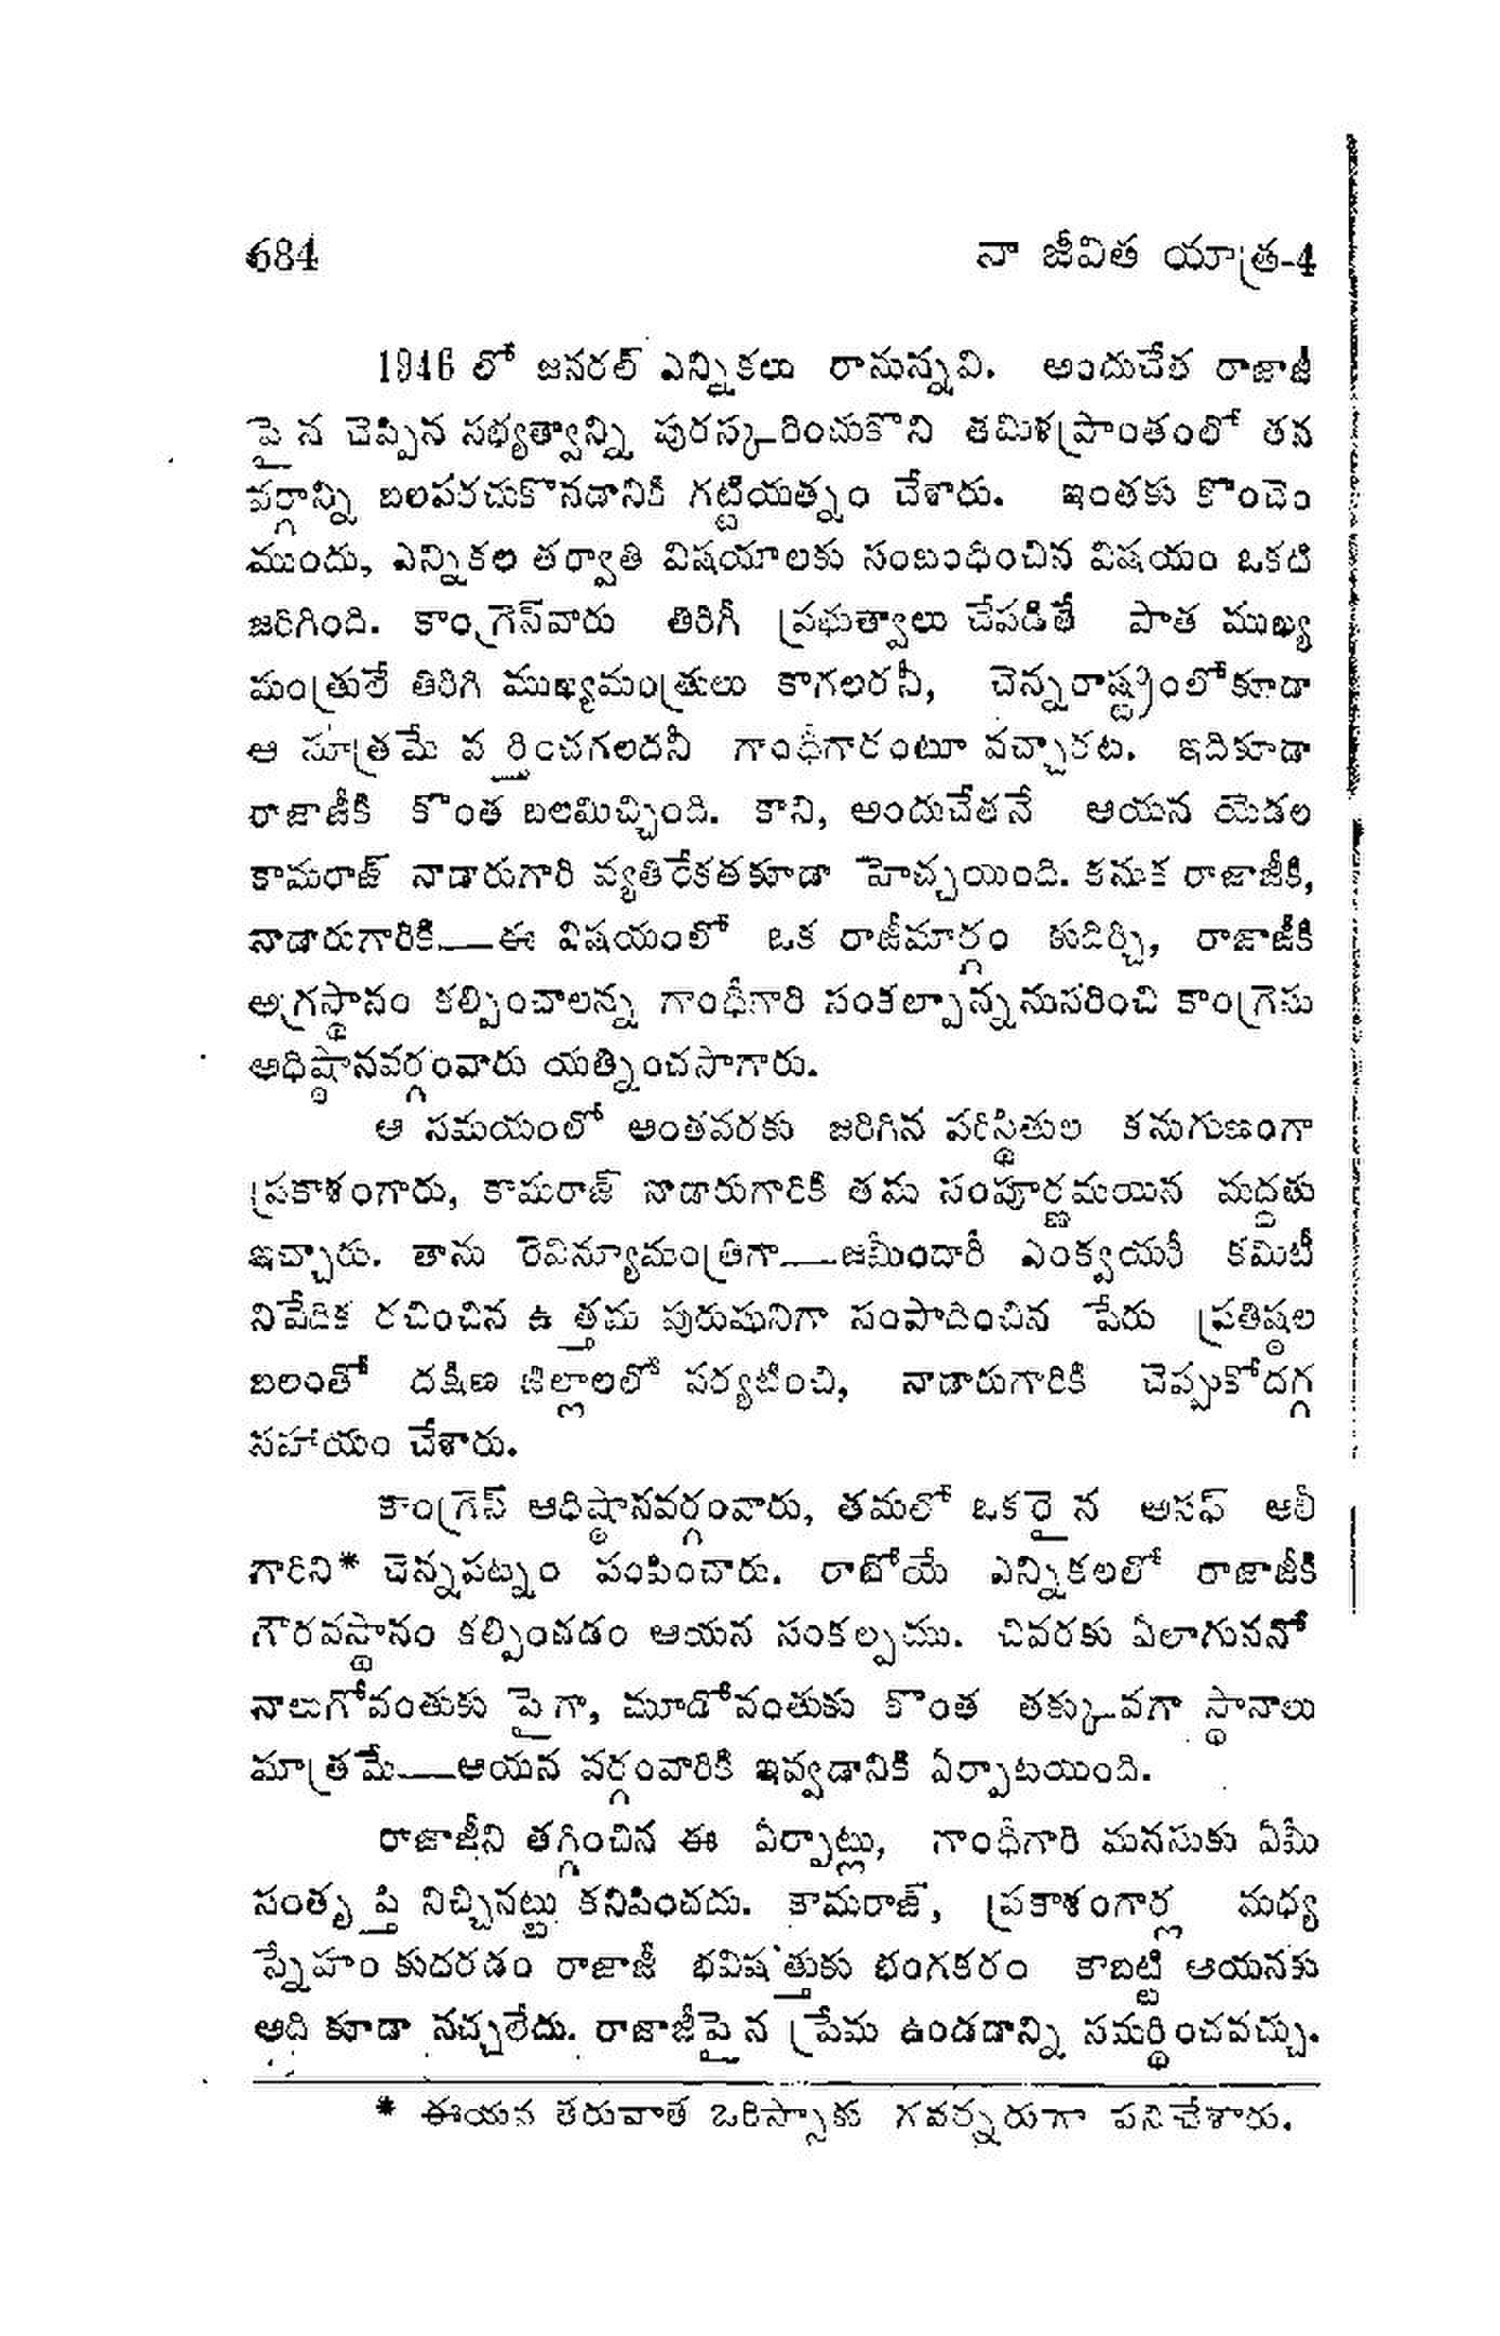1946 లో జనరల్ ఎన్నికలు రానున్నవి. అందుచేత రాజాజీ పైన చెప్పిన సభ్యత్వాన్ని పురస్కరించుకొని తమిళప్రాంతంలో తన వర్గాన్ని బలపరచుకొనడానికి గట్టియత్నం చేశారు. ఇంతకు కొంచెం ముందు, ఎన్నికల తర్వాతి విషయాలకు సంబంధించిన విషయం ఒకటి జరిగింది. కాంగ్రెస్‌వారు తిరిగీ ప్రభుత్వాలు చేపడితే పాత ముఖ్యమంత్రులే తిరిగి ముఖ్య మంత్రులు కాగలరనీ, చెన్నరాష్ట్రంలోకూడా ఆ సూత్రమే వర్తించగలదనీ గాంధీగారంటూ వచ్చారట. ఇదికూడా రాజాజీకి కొంత బలమిచ్చింది. కాని, అందుచేతనే ఆయన యెడల కామరాజ్ నాడారుగారి వ్యతిరేకతకూడా హెచ్చయింది. కనుక రాజాజీకి, నాడారుగారికి - ఈ విషయంలో ఒక రాజీమార్గం కుదిర్చి, రాజాజీకి అగ్రస్థానం కల్పించాలన్న గాంధీగారి సంకల్పాన్ననుసరించి కాంగ్రెసు అధిష్ఠానవర్గంవారు యత్నించసాగారు.

ఆ సమయంలో అంతవరకు జరిగిన పరిస్థితుల కనుగుణంగా ప్రకాశంగారు, కామరాజ్ నాడారుగారికి తమ సంపూర్ణమయిన మద్దతు ఇచ్చారు. తాను రెవిన్యూమంత్రిగా - జమీందారీ ఎంక్వయరీ కమిటీ నివేదిక రచించిన ఉత్తమ పురుషునిగా సంపాదించిన పేరు ప్రతిష్ఠల బలంతో దక్షిణ జిల్లాలలో పర్యటించి, నాడారుగారికి చెప్పుకోదగ్గ సహాయం చేశారు.

కాంగ్రెస్ అధిష్ఠానవర్గంవారు, తమలో ఒకరైన అసఫ్ అలీ గారిని చెన్నపట్నం పంపించారు. రాబోయే ఎన్నికలలో రాజాజీకి గౌరవస్థానం కల్పించడం ఆయన సంకల్పము. చివరకు ఏలాగుననో నాలుగోవంతుకు పైగా, మూడోవంతుకు కొంత తక్కువగా స్థానాలు మాత్రమే - ఆయన వర్గంవారికి ఇవ్వడానికి ఏర్పాటయింది.

రాజాజీని తగ్గించిన ఈ ఏర్పాట్లు, గాంధీగారి మనసుకు ఏమీ సంతృప్తి నిచ్చినట్టు కనిపించదు. కామరాజ్, ప్రకాశంగార్ల మధ్య స్నేహం కుదరడం రాజాజీ భవిషత్తుకు భంగకరం కాబట్టి ఆయనకు అది కూడా నచ్చలేదు. రాజాజీపైన ప్రేమ ఉండడాన్ని సమర్థించవచ్చు.